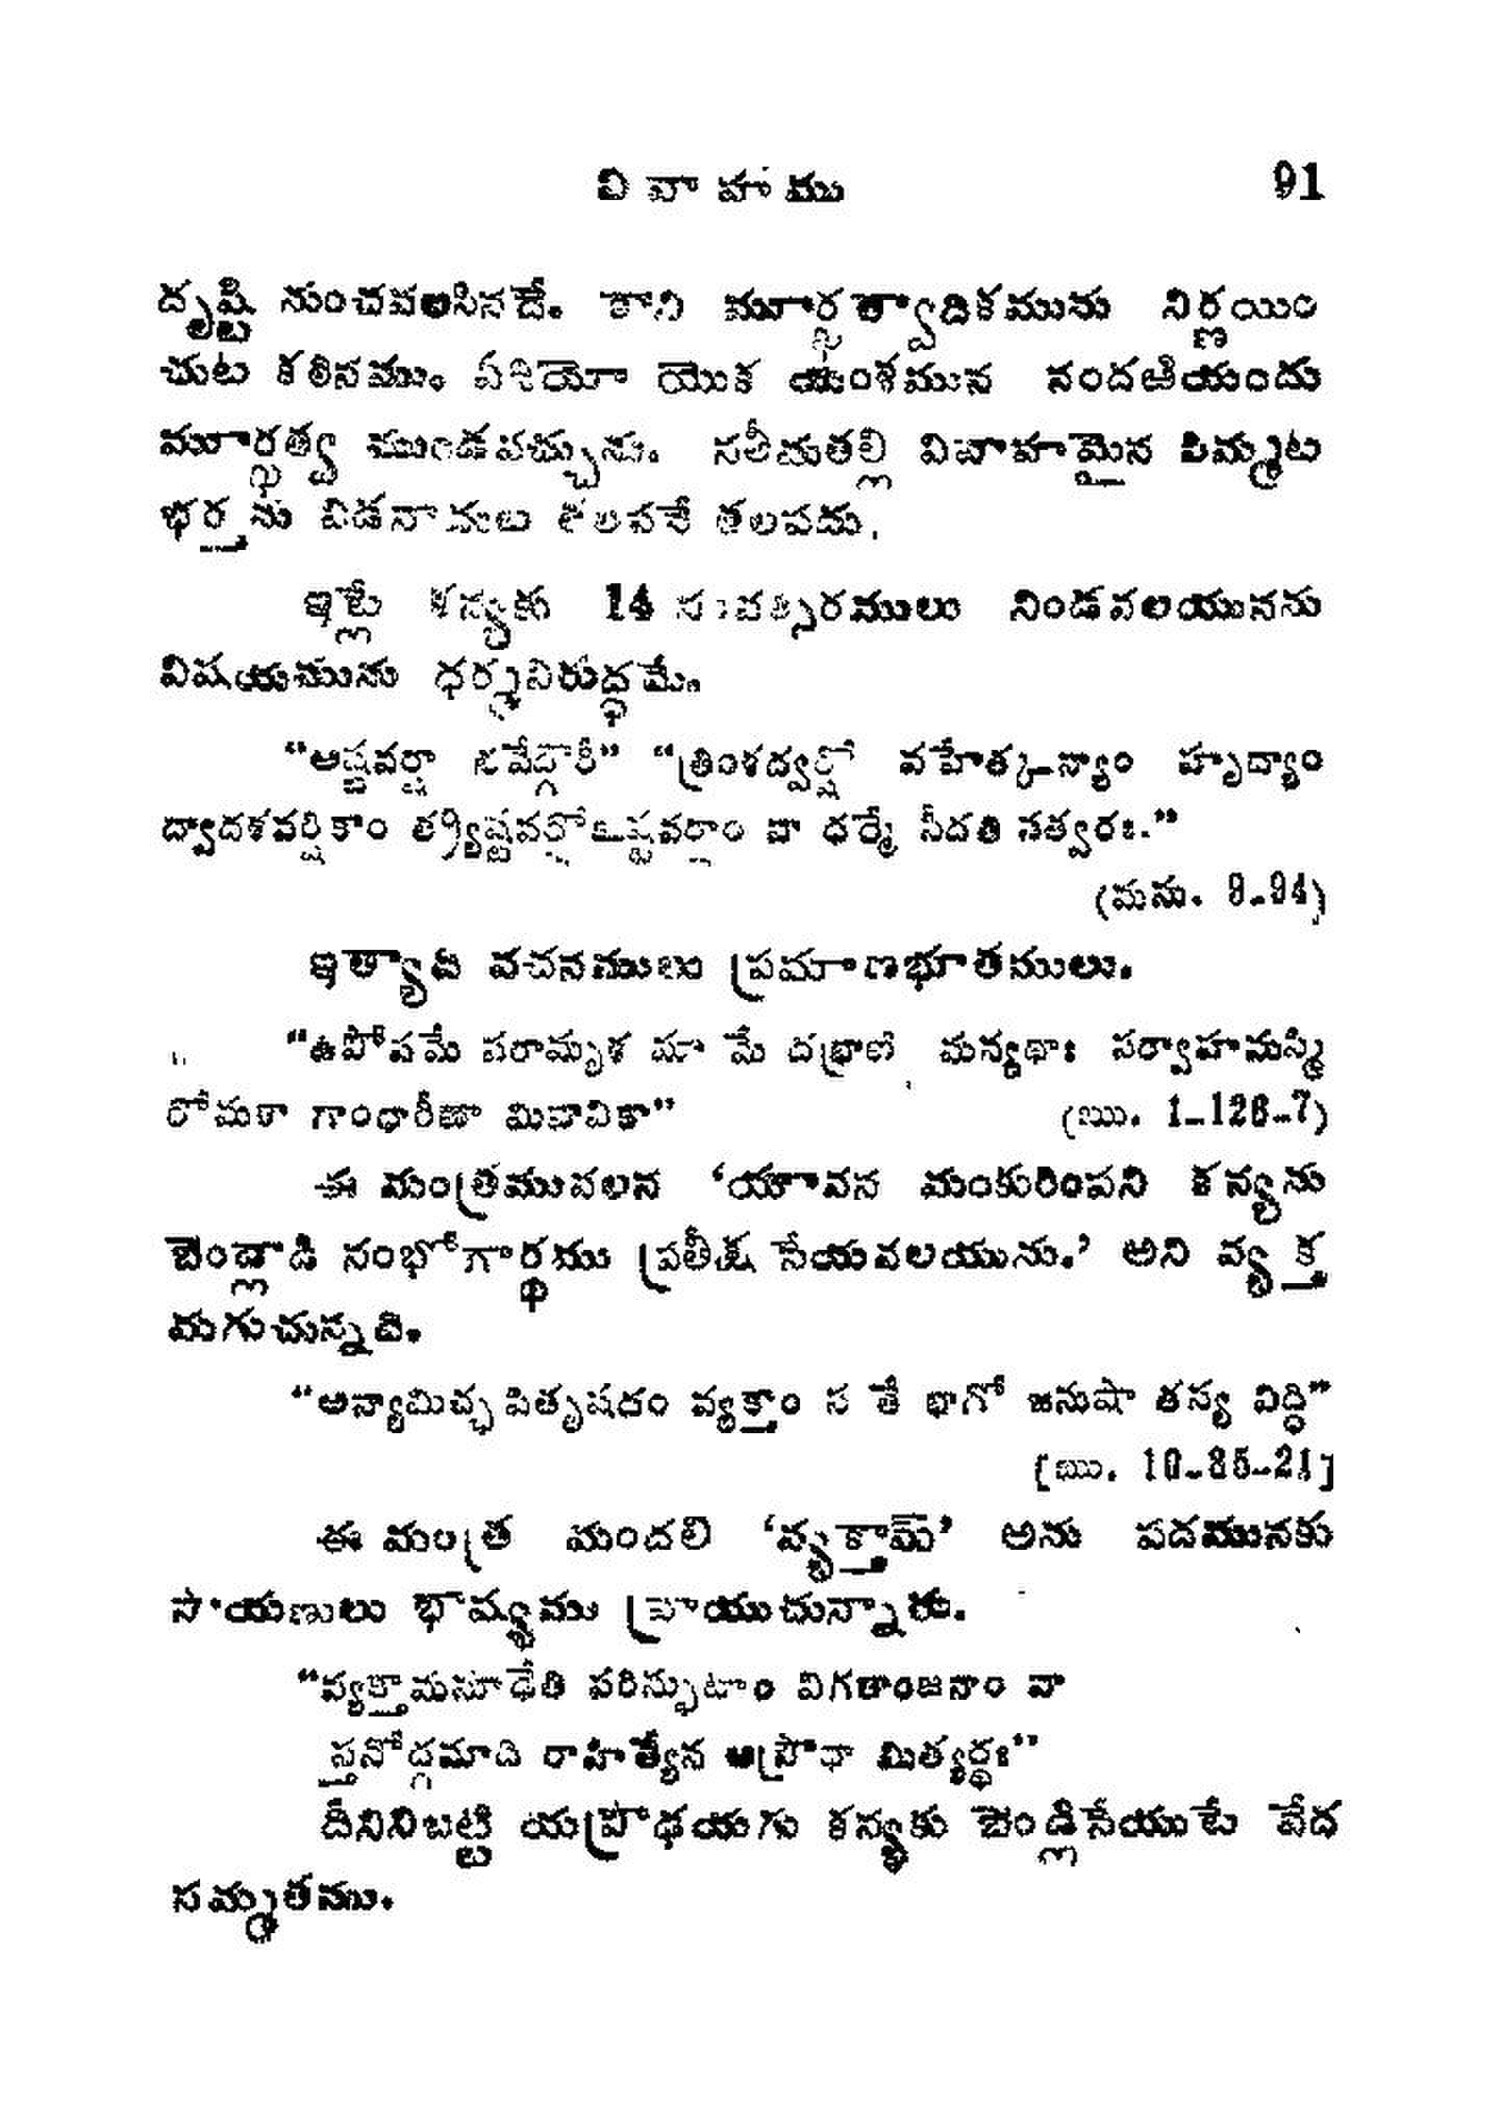దృష్టి నుంచవలసినదే. కానీ మూర్ఖత్వాదికమును నిర్ణయించుట కఠినము. 
ఏదియో యొక యంశమున నందఱియందు మూర్ఖత్వ ముండవచ్చును. 
సతీమతల్లి వివాహమైన పిమ్మట భర్తను విడనాడుట తలపనే తలపదు.

ఇట్లే కన్యకు 14 సంవత్సరములు నిండవలయునను
విషయమును ధర్మనిరుద్ధమే

"అష్టవర్షా భవేద్గౌరీ" “త్రింశద్వర్షో వహేత్కన్యాం హృద్యాం
ద్వాదశవర్షికాం త్య్రష్టవరో౽ష్టవరాం వా ధర్మే సీదతి సత్వరః.”
 (మను. 9-94)
 
ఇత్యాది వచనములు ప్రమాణభూతములు.

"ఉపోపమే పరామృశ మా మే దభ్రాణి మన్యథాః సర్వాహమస్మి
రోమశా గాంధారీణా మివావికా"
 (ఋ. 1-126-7)

ఈ మంత్రమువలన 'యౌవన మంకురింపని కన్యను
బెండ్లాడి సంభోగార్థము ప్రతీక్ష సేయవలయును' అని వ్యక్త
మగుచున్నది.

"అన్యామిచ్ఛ పితృషదం వ్యక్తాం స తే భాగో జనుషా తస్య విద్ధి ”
 (ఋ. 10-85-21]
 
ఈ మంత్ర మందలి 'వ్యక్తామ్' అను పదమునకు సాయణులు భాష్యము వ్రాయుచున్నారు.

"వ్యక్తామనూఢేనేతి పరిస్ఫుటాం విగతాంజనాం వా
 స్తనోద్గమాది రాహిత్యేన అప్రౌఢా మిత్యర్థః"
 
దీనినిబట్టి యప్రౌఢయగు కన్యకు బెండ్లిసేయుటే వేద సమ్మతము,